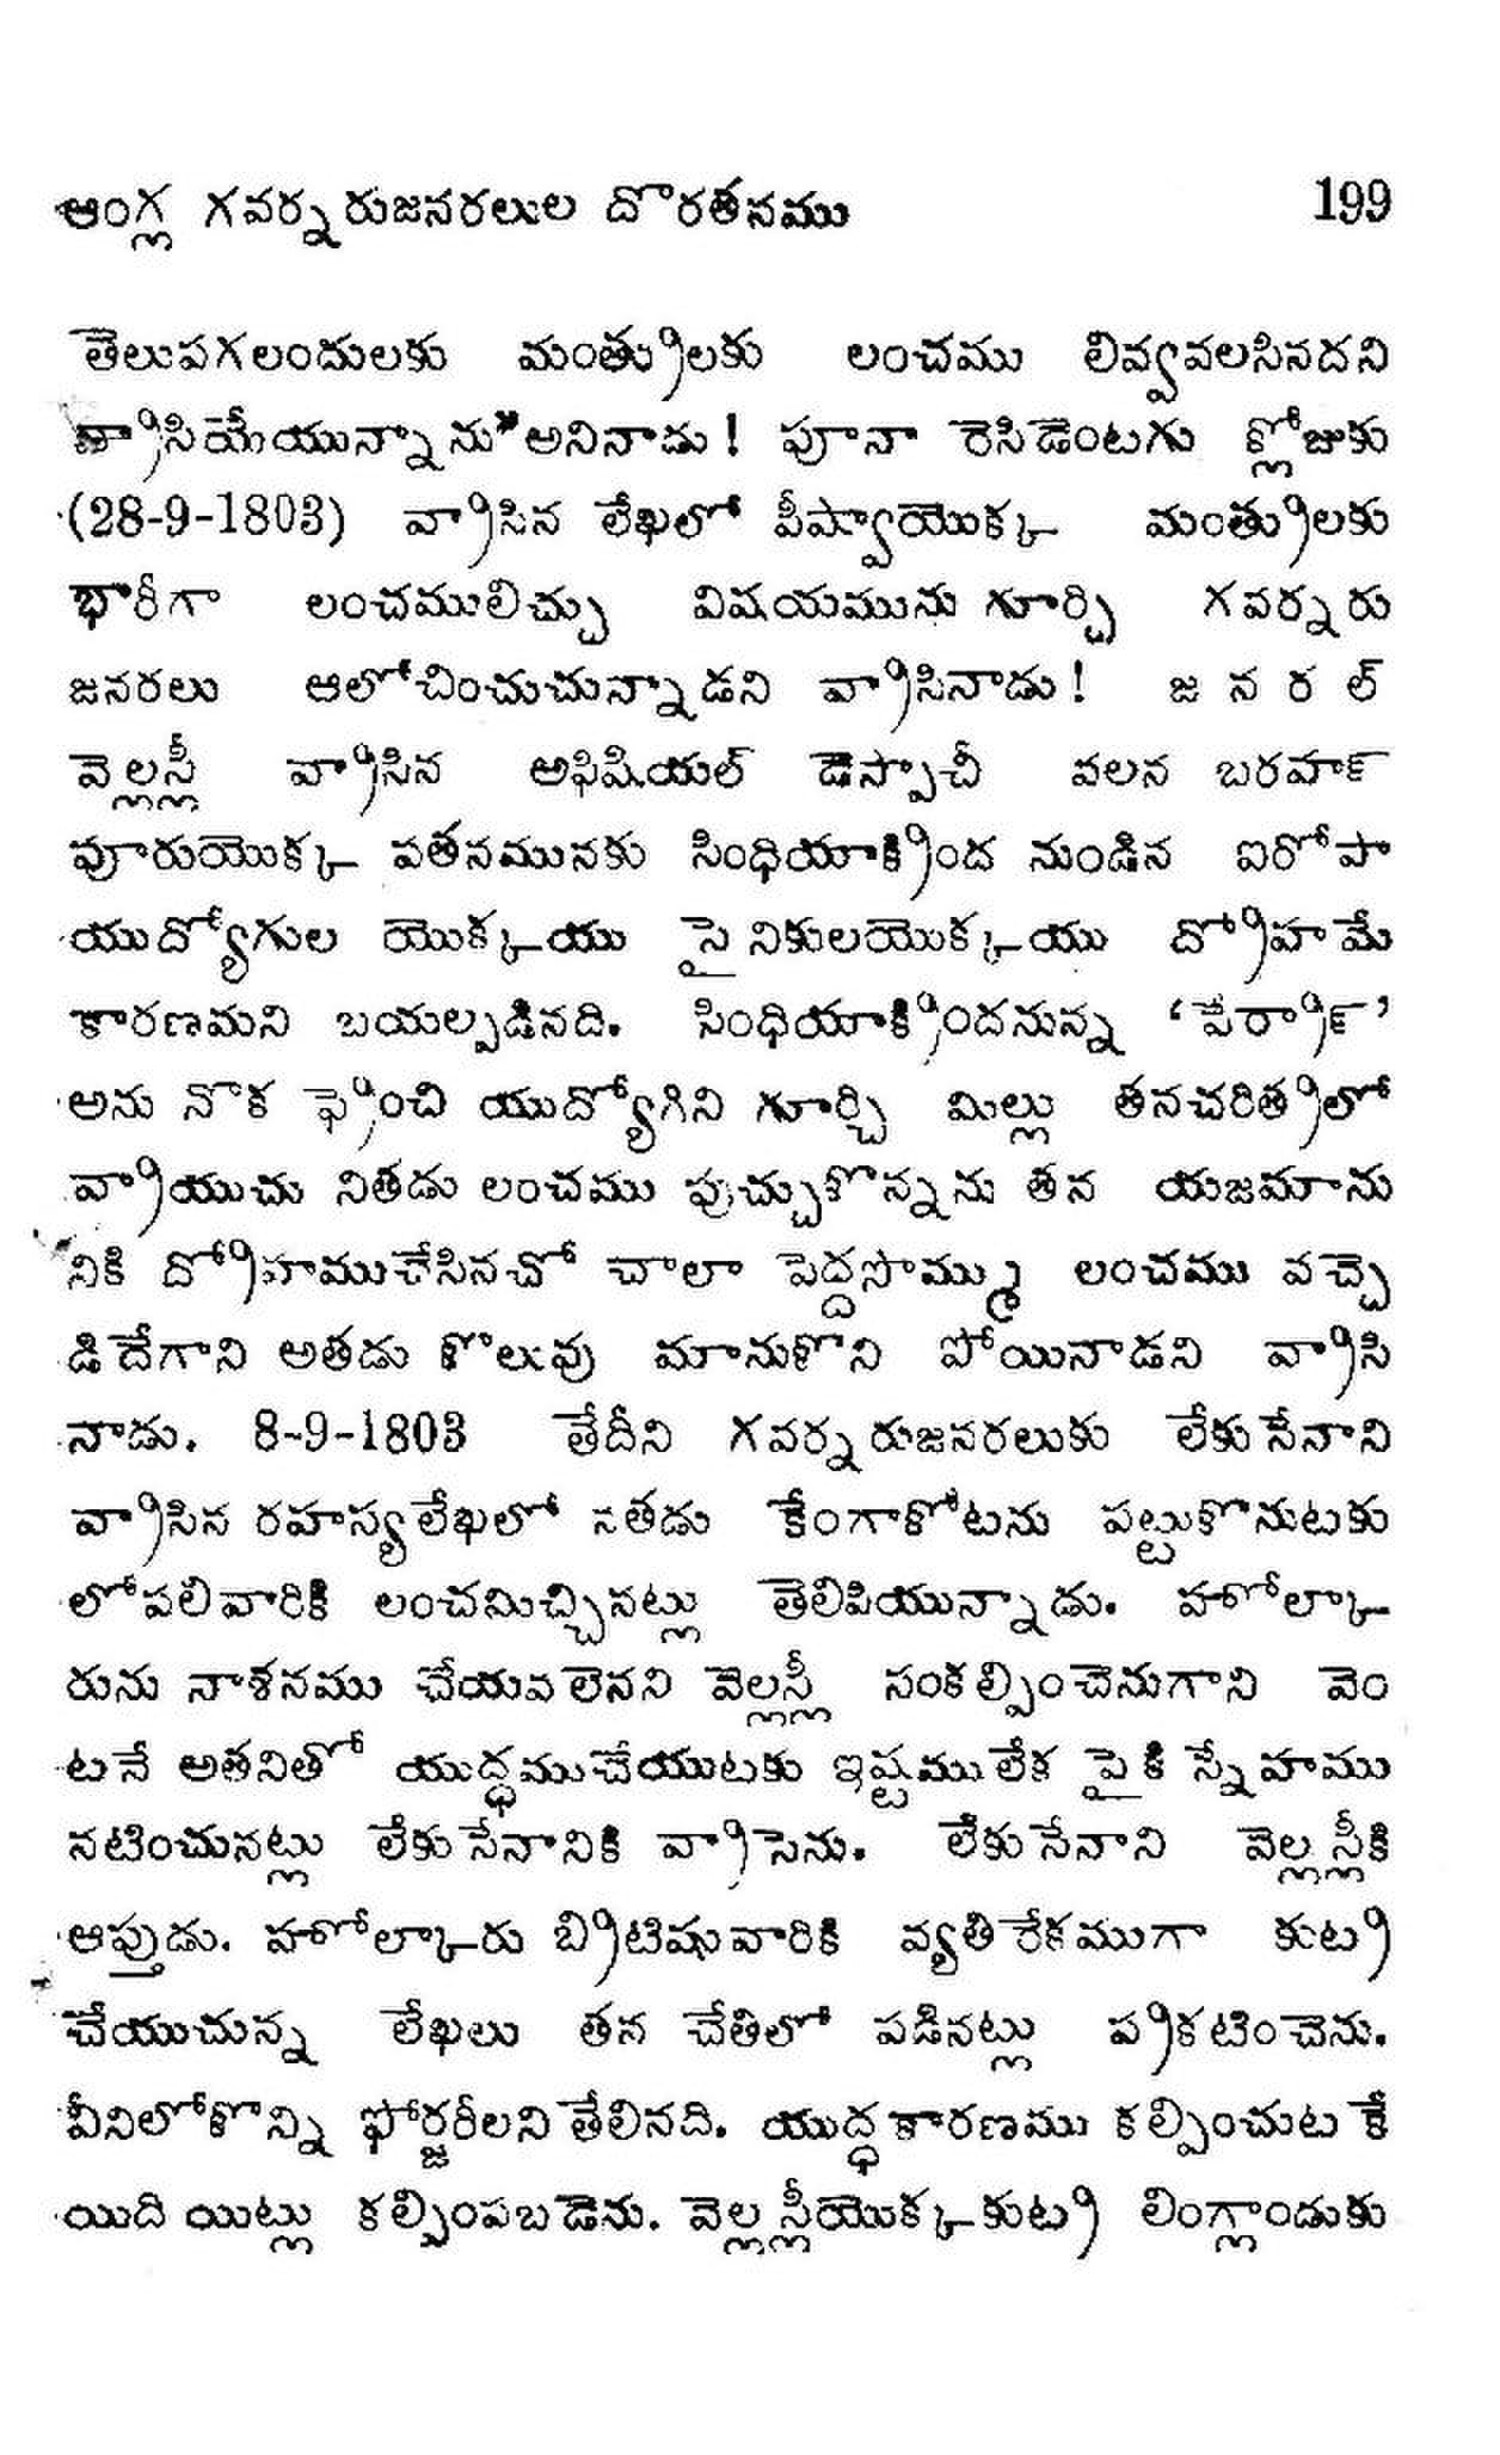తెలుపగలందులకు మంత్రులకు లంచము లివ్వవలసినదని వ్రాసియేయున్నాను” అనినాడు ! పూనా రెసిడెంటగు క్లోజుకు (28-9-1803) వ్రాసిన లేఖలో పీష్వాయొక్క మంత్రులకు భారీగా లంచములిచ్చు విషయమును గూర్చి గవర్నరు జనరలు ఆలోచించుచున్నాడని వ్రాసినాడు! జనరల్ వెల్లస్లీ వ్రాసిన అఫిషియల్ డెస్పాచీ వలన బరహ౯ వూరుయొక్క పతనమునకు సింధియాక్రింద నుండిన ఐరోపా యుద్యోగుల యొక్కయు సైనికులయొక్కయు ద్రోహమే కారణమని బయల్పడినది. సింధియాక్రిందనున్న 'పేర్రా౯' అను నొక ఫ్రెంచి యుద్యోగిని గూర్చి మిల్లు తనచరిత్రలో వ్రాయుచు నితడు లంచము పుచ్చుకొన్నను తన యజమానునికి ద్రోహముచేసినచో చాలా పెద్దసొమ్ము లంచము వచ్చెడిదేగాని అతడు కొలువు మానుకొని పోయినాడని వ్రాసినాడు. 8-9-1803 తేదీని గవర్నరుజనరలుకు లేకుసేనాని వ్రాసిన రహస్యలేఖలో నతడు కేంగాకోటను పట్టుకొనుటకు లోపలివారికి లంచమిచ్చినట్లు తెలిపియున్నాడు. హోల్కారును నాశనము చేయవలెనని వెల్లస్లీ సంకల్పించెనుగాని వెంటనే అతనితో యుద్ధముచేయుటకు ఇష్టములేక పైకి స్నేహము నటించునట్లు లేకుసేనానికి వ్రాసెను. లేకుసేనాని వెల్లస్లీకి ఆప్తుడు. హోల్కారు బ్రిటిషువారికి వ్యతిరేకముగా కుట్రచేయుచున్న లేఖలు తన చేతిలో పడినట్లు ప్రకటించెను. వీనిలోకొన్ని ఫోర్జరీలని తేలినది. యుద్ధకారణము కల్పించుటకే యిది యిట్లు కల్పింపబడెను. వెల్లస్లీయొక్కకుట్ర లింగ్లాండుకు